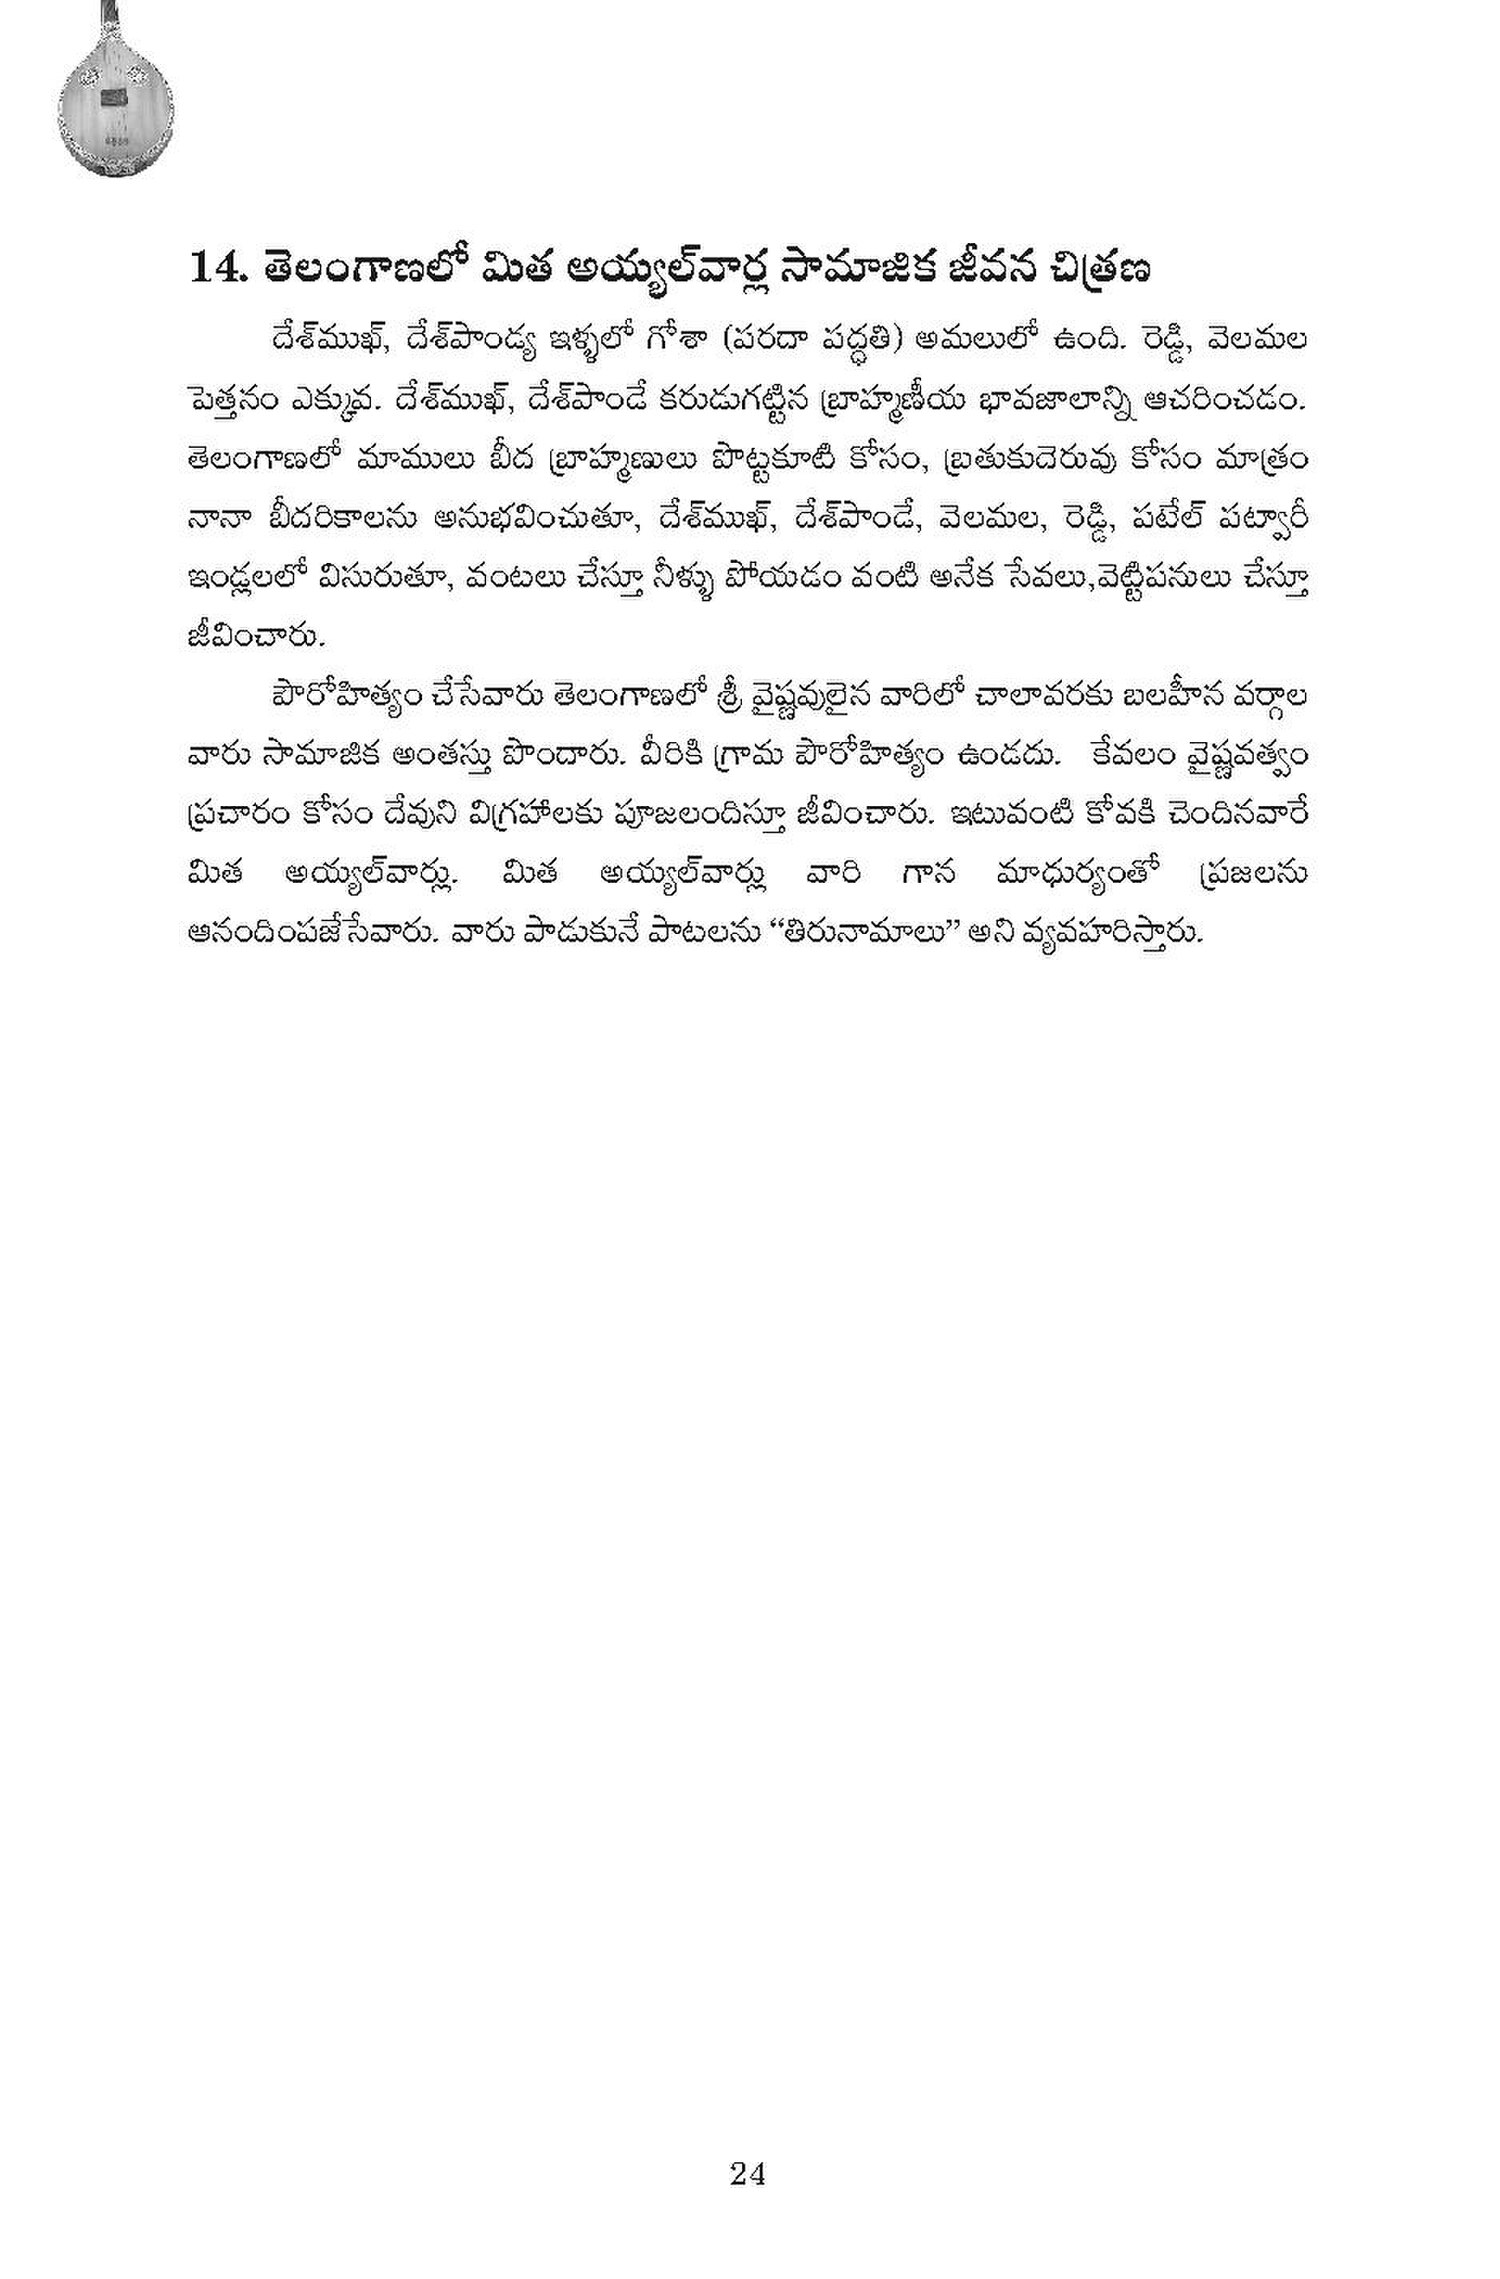14. తెలంగాణలో మిత అయ్యల్వార్ల సామాజిక జీవన చిత్రణ 

దేశముఖ్, దేశపాండ్య ఇళ్ళలో గోశా (పరదా పద్ధతి) అమలులో ఉంది. రెడ్డి, వెలమల పెత్తనం ఎక్కువ. దేశ్ ముఖ్, దేశ్ పాండే కరుడుగట్టిన బ్రాహ్మణీయ భావజాలాన్ని ఆచరించడం. తెలంగాణలో మాములు బీద బ్రాహ్మణులు పొట్టకూటి కోసం, బ్రతుకుదెరువు కోసం మాత్రం నానా బీదరికాలను అనుభవించుతూ, దేశ ముఖ్, దేశ్ పాండే, వెలమల, రెడ్డి, పటేల్ పట్వారీ ఇండ్లలలో విసురుతూ, వంటలు చేస్తూ నీళ్ళు పోయడం వంటి అనేక సేవలు, వెట్టిపనులు చేస్తూ జీవించారు.

పౌరోహిత్యం చేసేవారు తెలంగాణలో శ్రీ వైష్ణవులైన వారిలో చాలావరకు బలహీన వర్గాల వారు సామాజిక అంతస్తు పొందారు. వీరికి గ్రామ పౌరోహిత్యం ఉండదు. కేవలం వైష్ణవత్వం ప్రచారం కోసం దేవుని విగ్రహాలకు పూజలందిస్తూ జీవించారు. ఇటువంటి కోవకి చెందినవారే మిత అయ్యల్వార్లు. మిత అయ్యల్వార్లు వారి గాన మాధుర్యంతో ప్రజలను ఆనందింప జేసేవారు. వారు పాడుకునే పాటలను “తిరునామాలు” అని వ్యవహరిస్తారు.